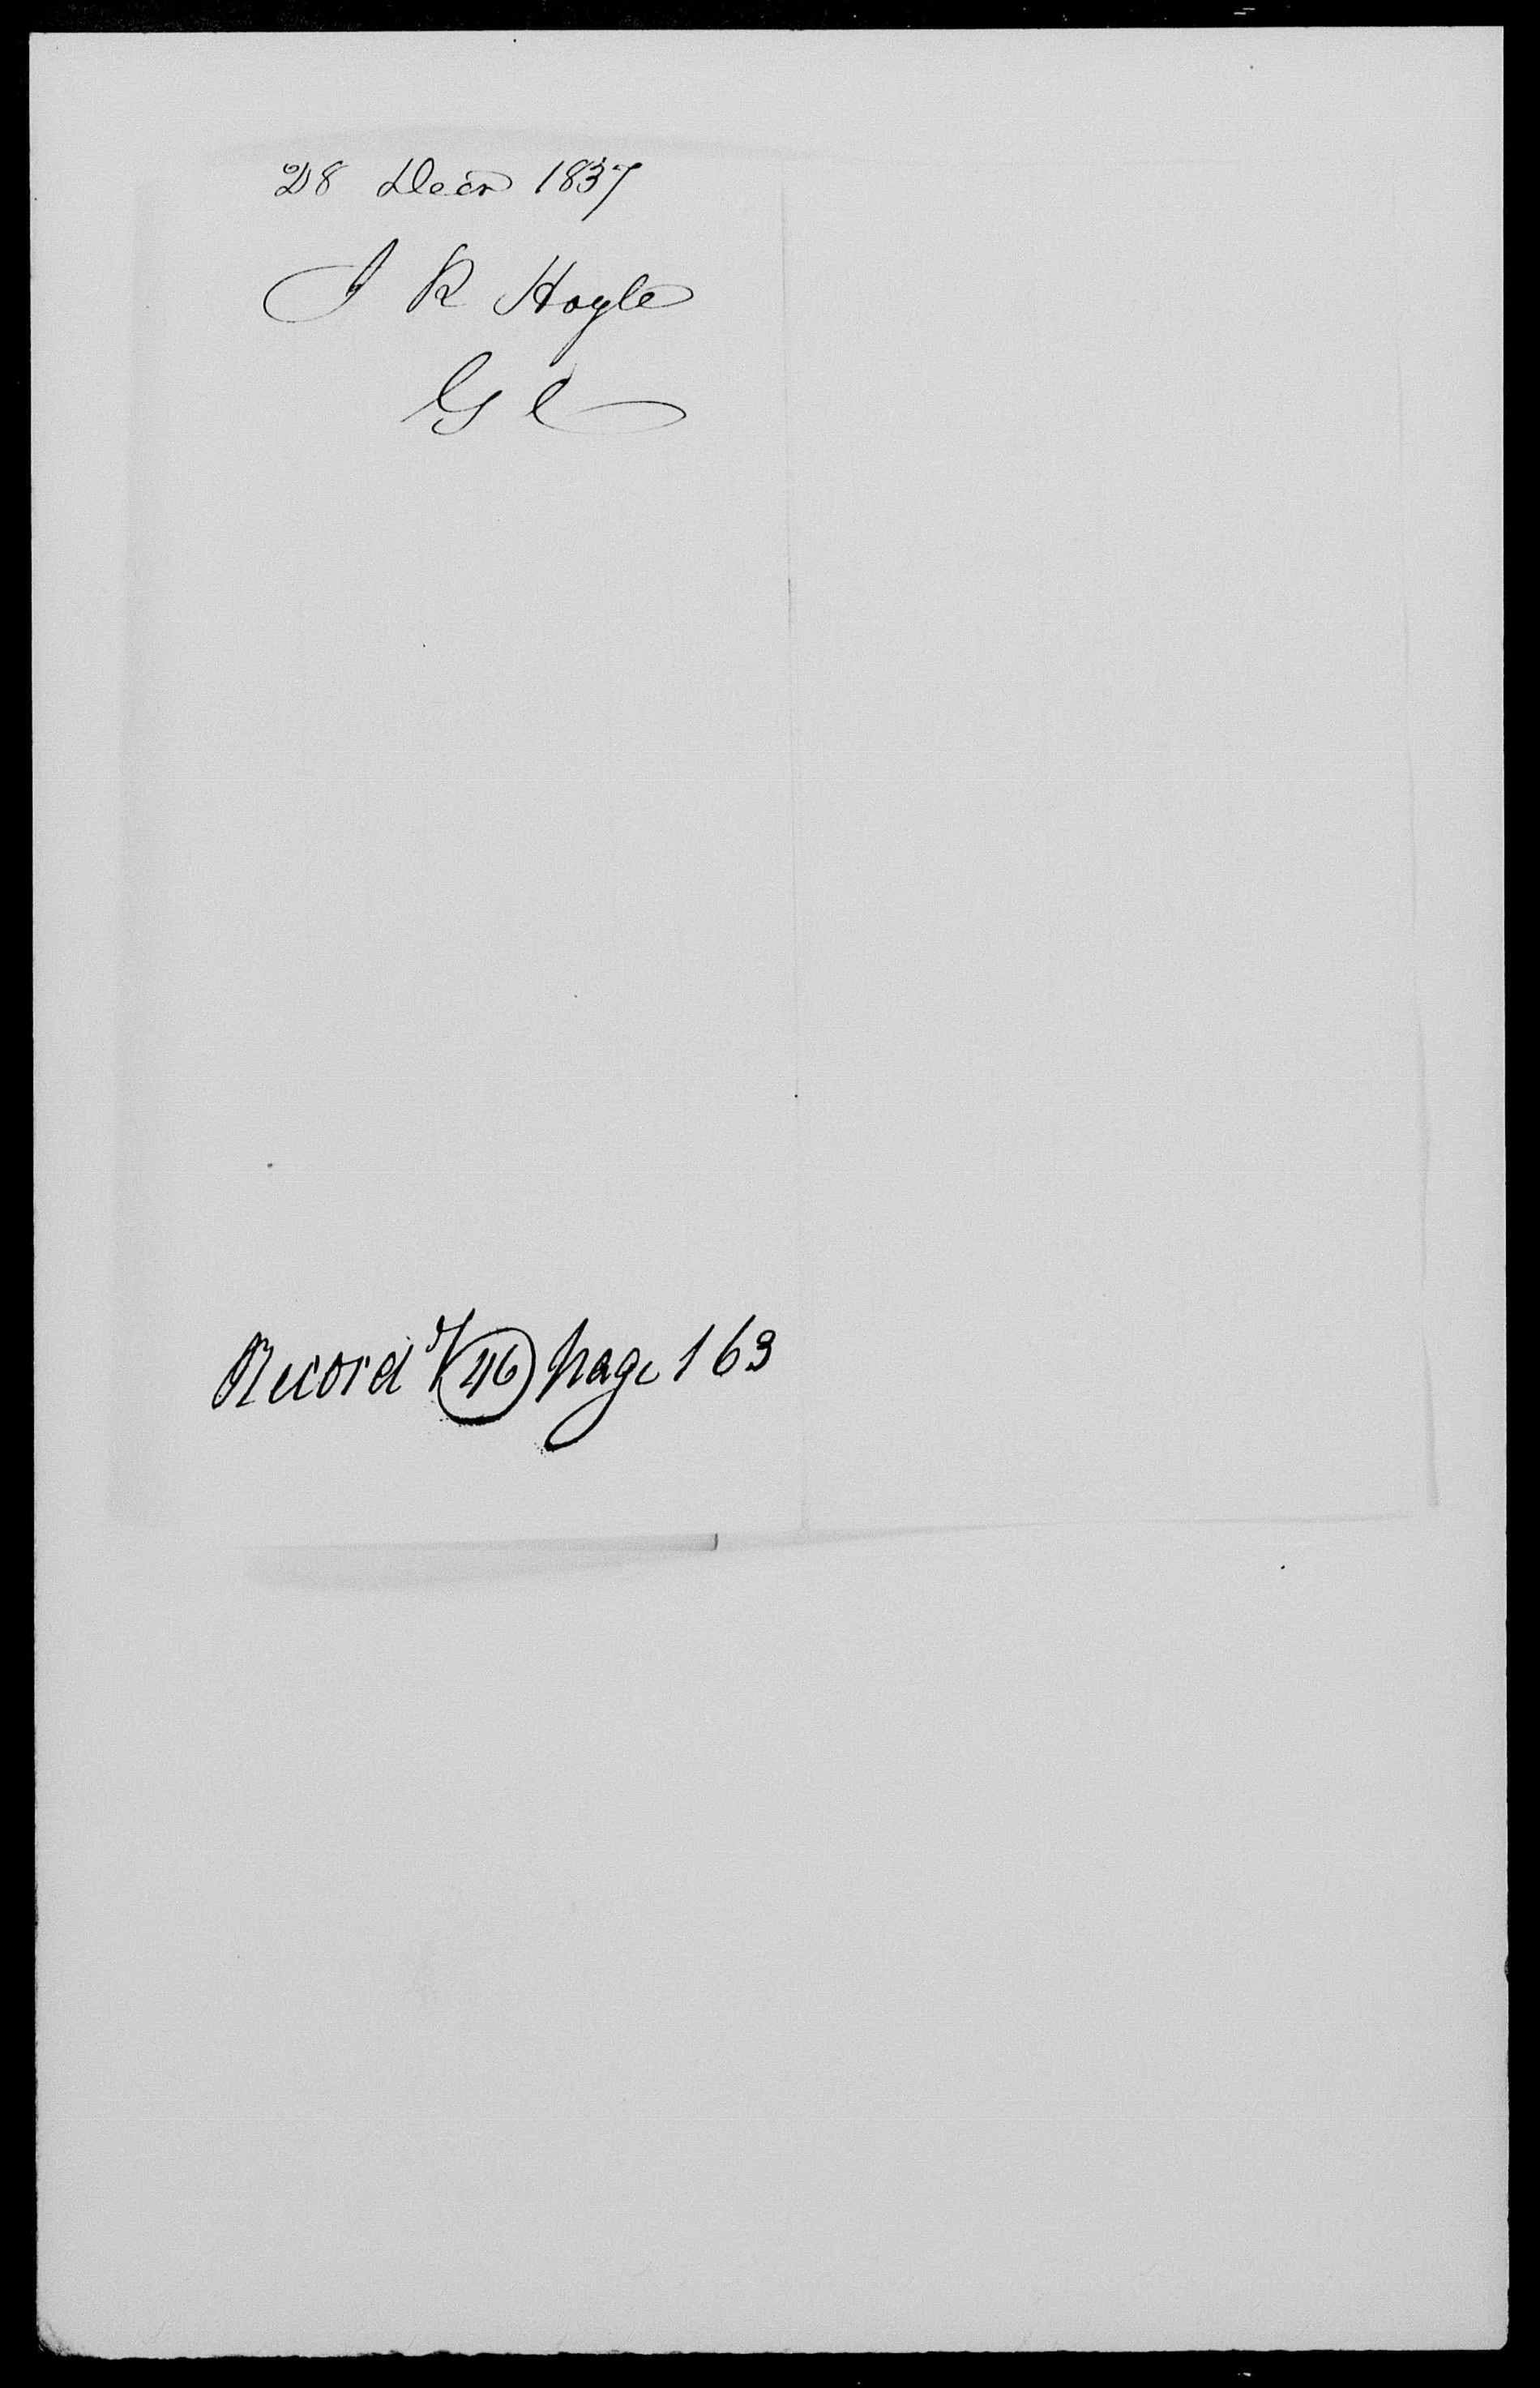28 Decr 1837
J R Hoyle
GC



record of 46   page 163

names: J R Hoyle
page: 29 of 42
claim: survivor's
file: S. 6579, Henry Barnhill, N. C.